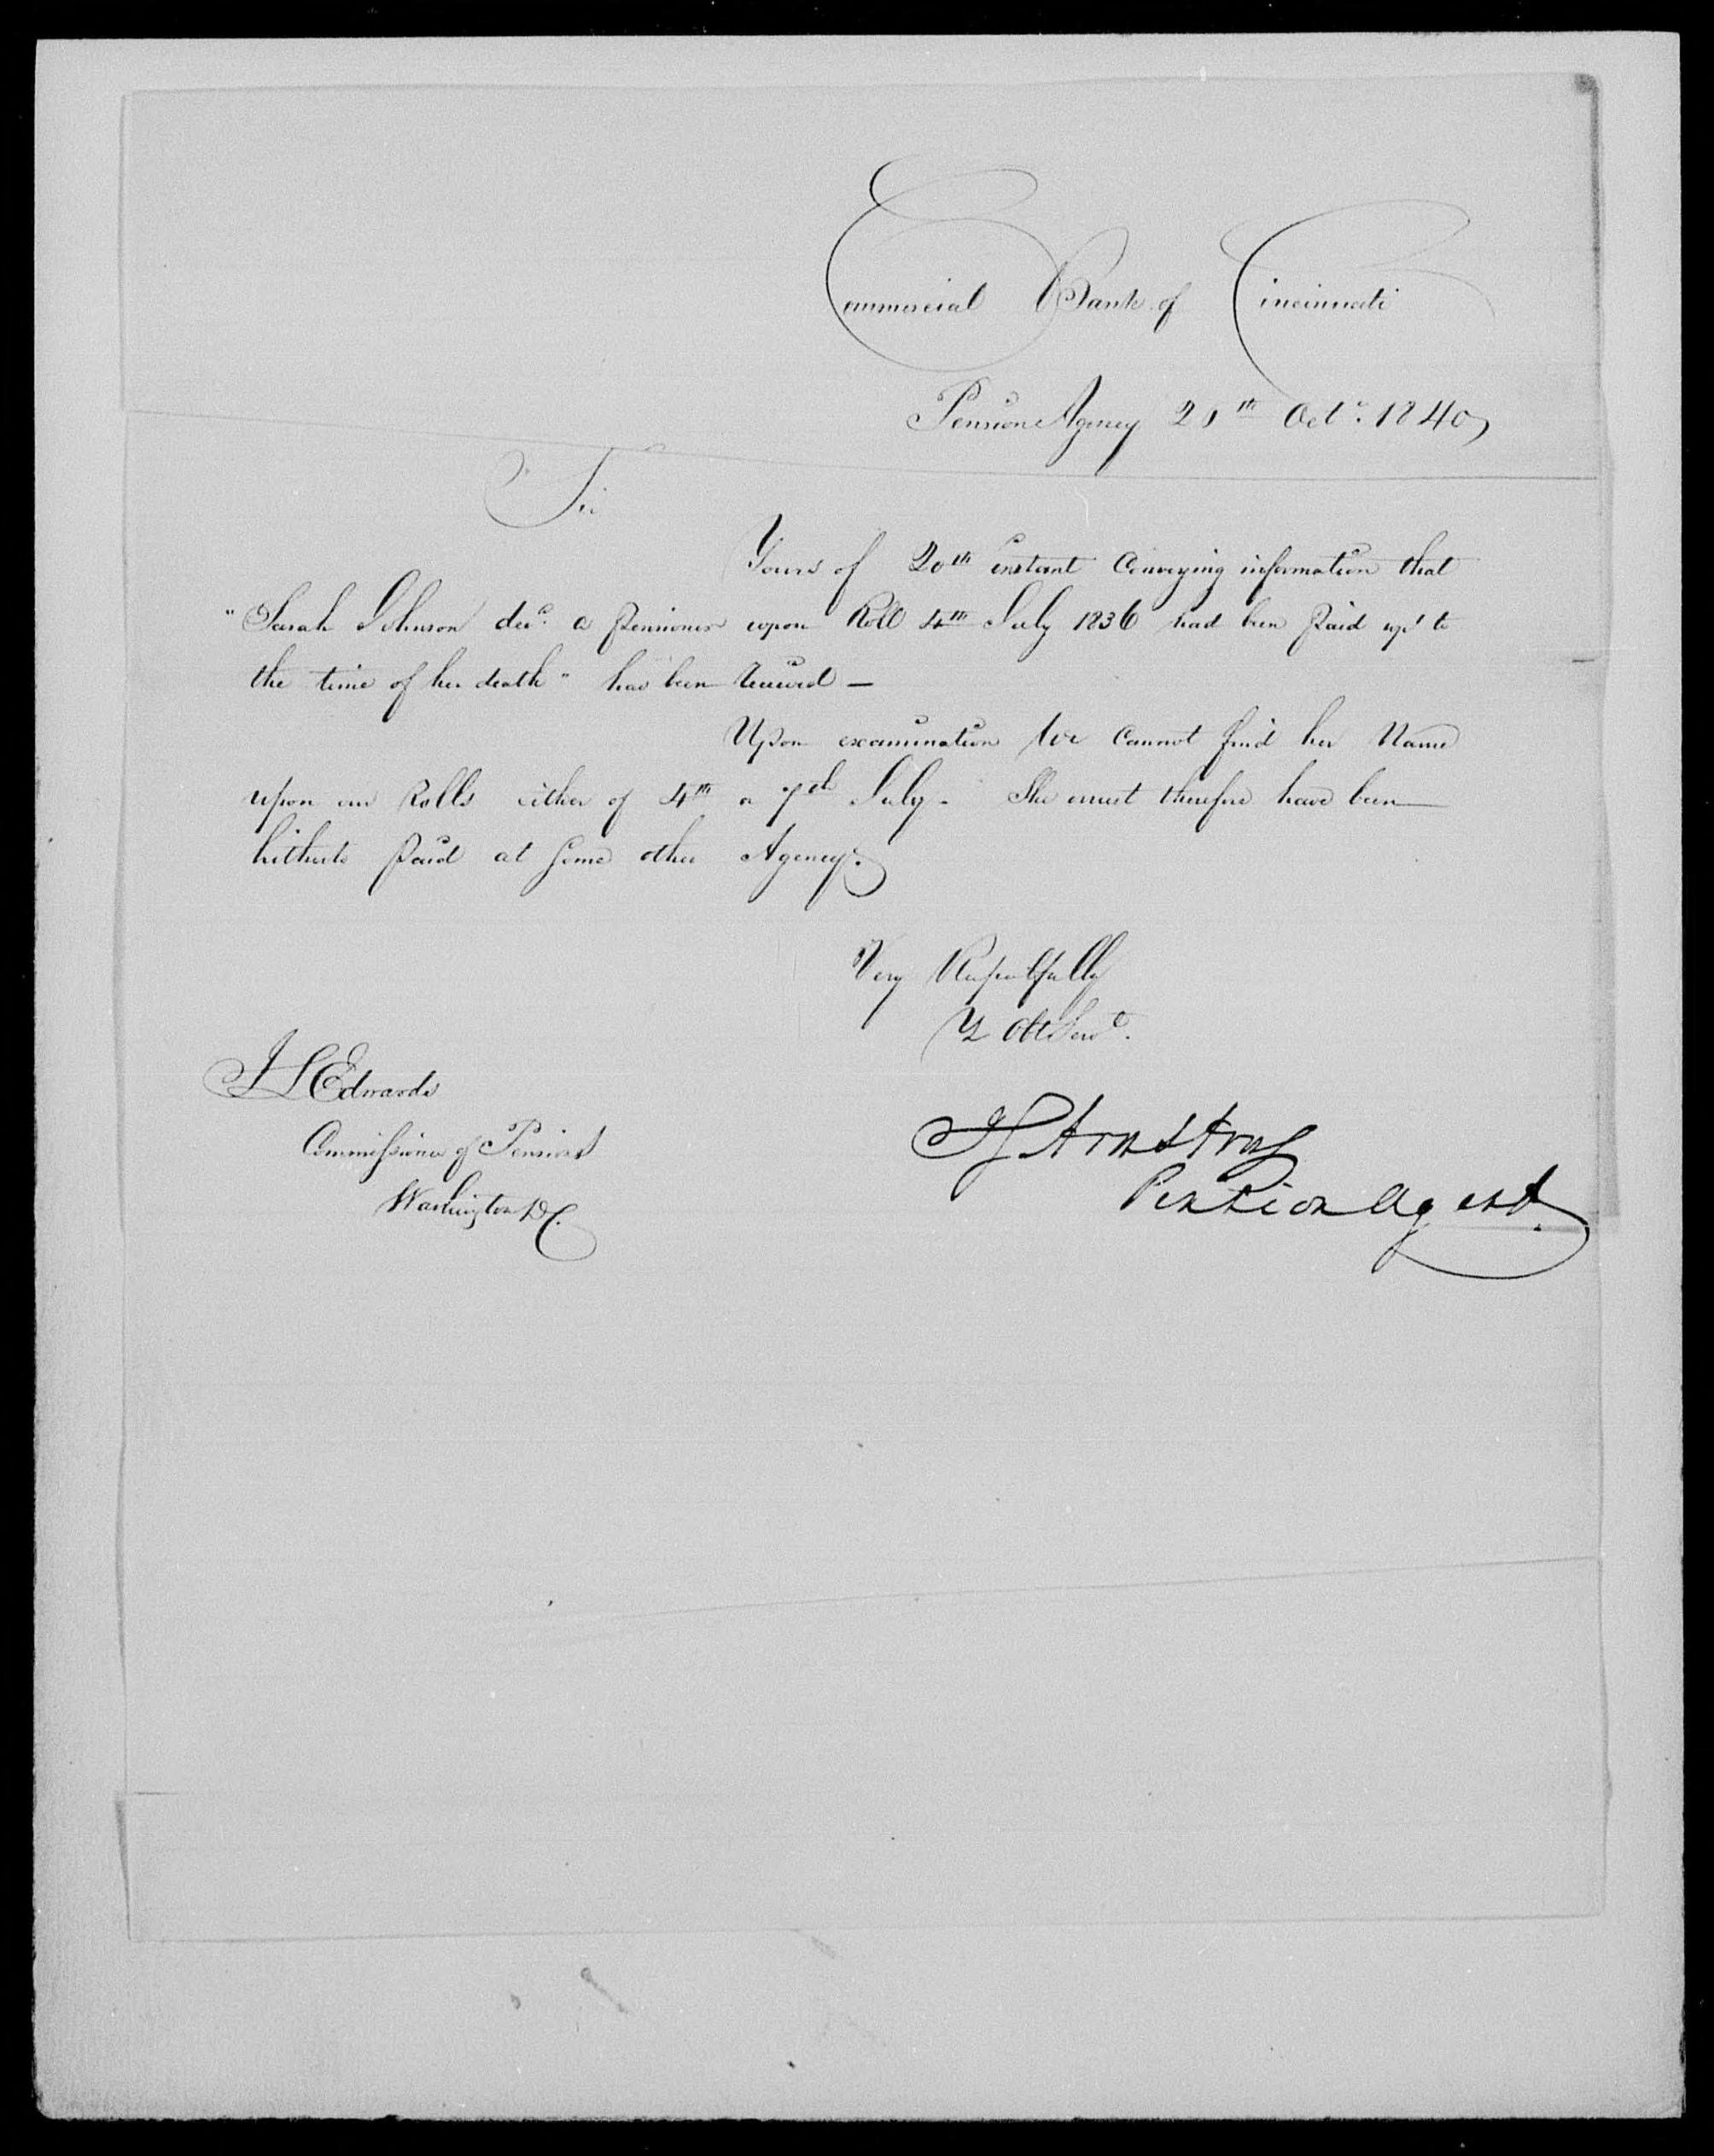Commercial Bank of Cincinnati
Pension Aug 26th Oct. 1840
Sir:
Yours of to instant Conveying information that
Sarah Johnson decd a pensioner upon Roll 4th July 1836 had her paid to
the time of her death has been received
upon examination we cannot find her name
upon on Rolls either of 4th " 7th July. She must therefore have been
hitherto paid at some other Agency
Very Respectfully
Y Abtollet
JL Armstrong
Petition agent
JL Edwards
Commissioner of Pensions
Washington DC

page: 9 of 26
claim: widow's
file: W. 4464, for John H Johnson, Georgia